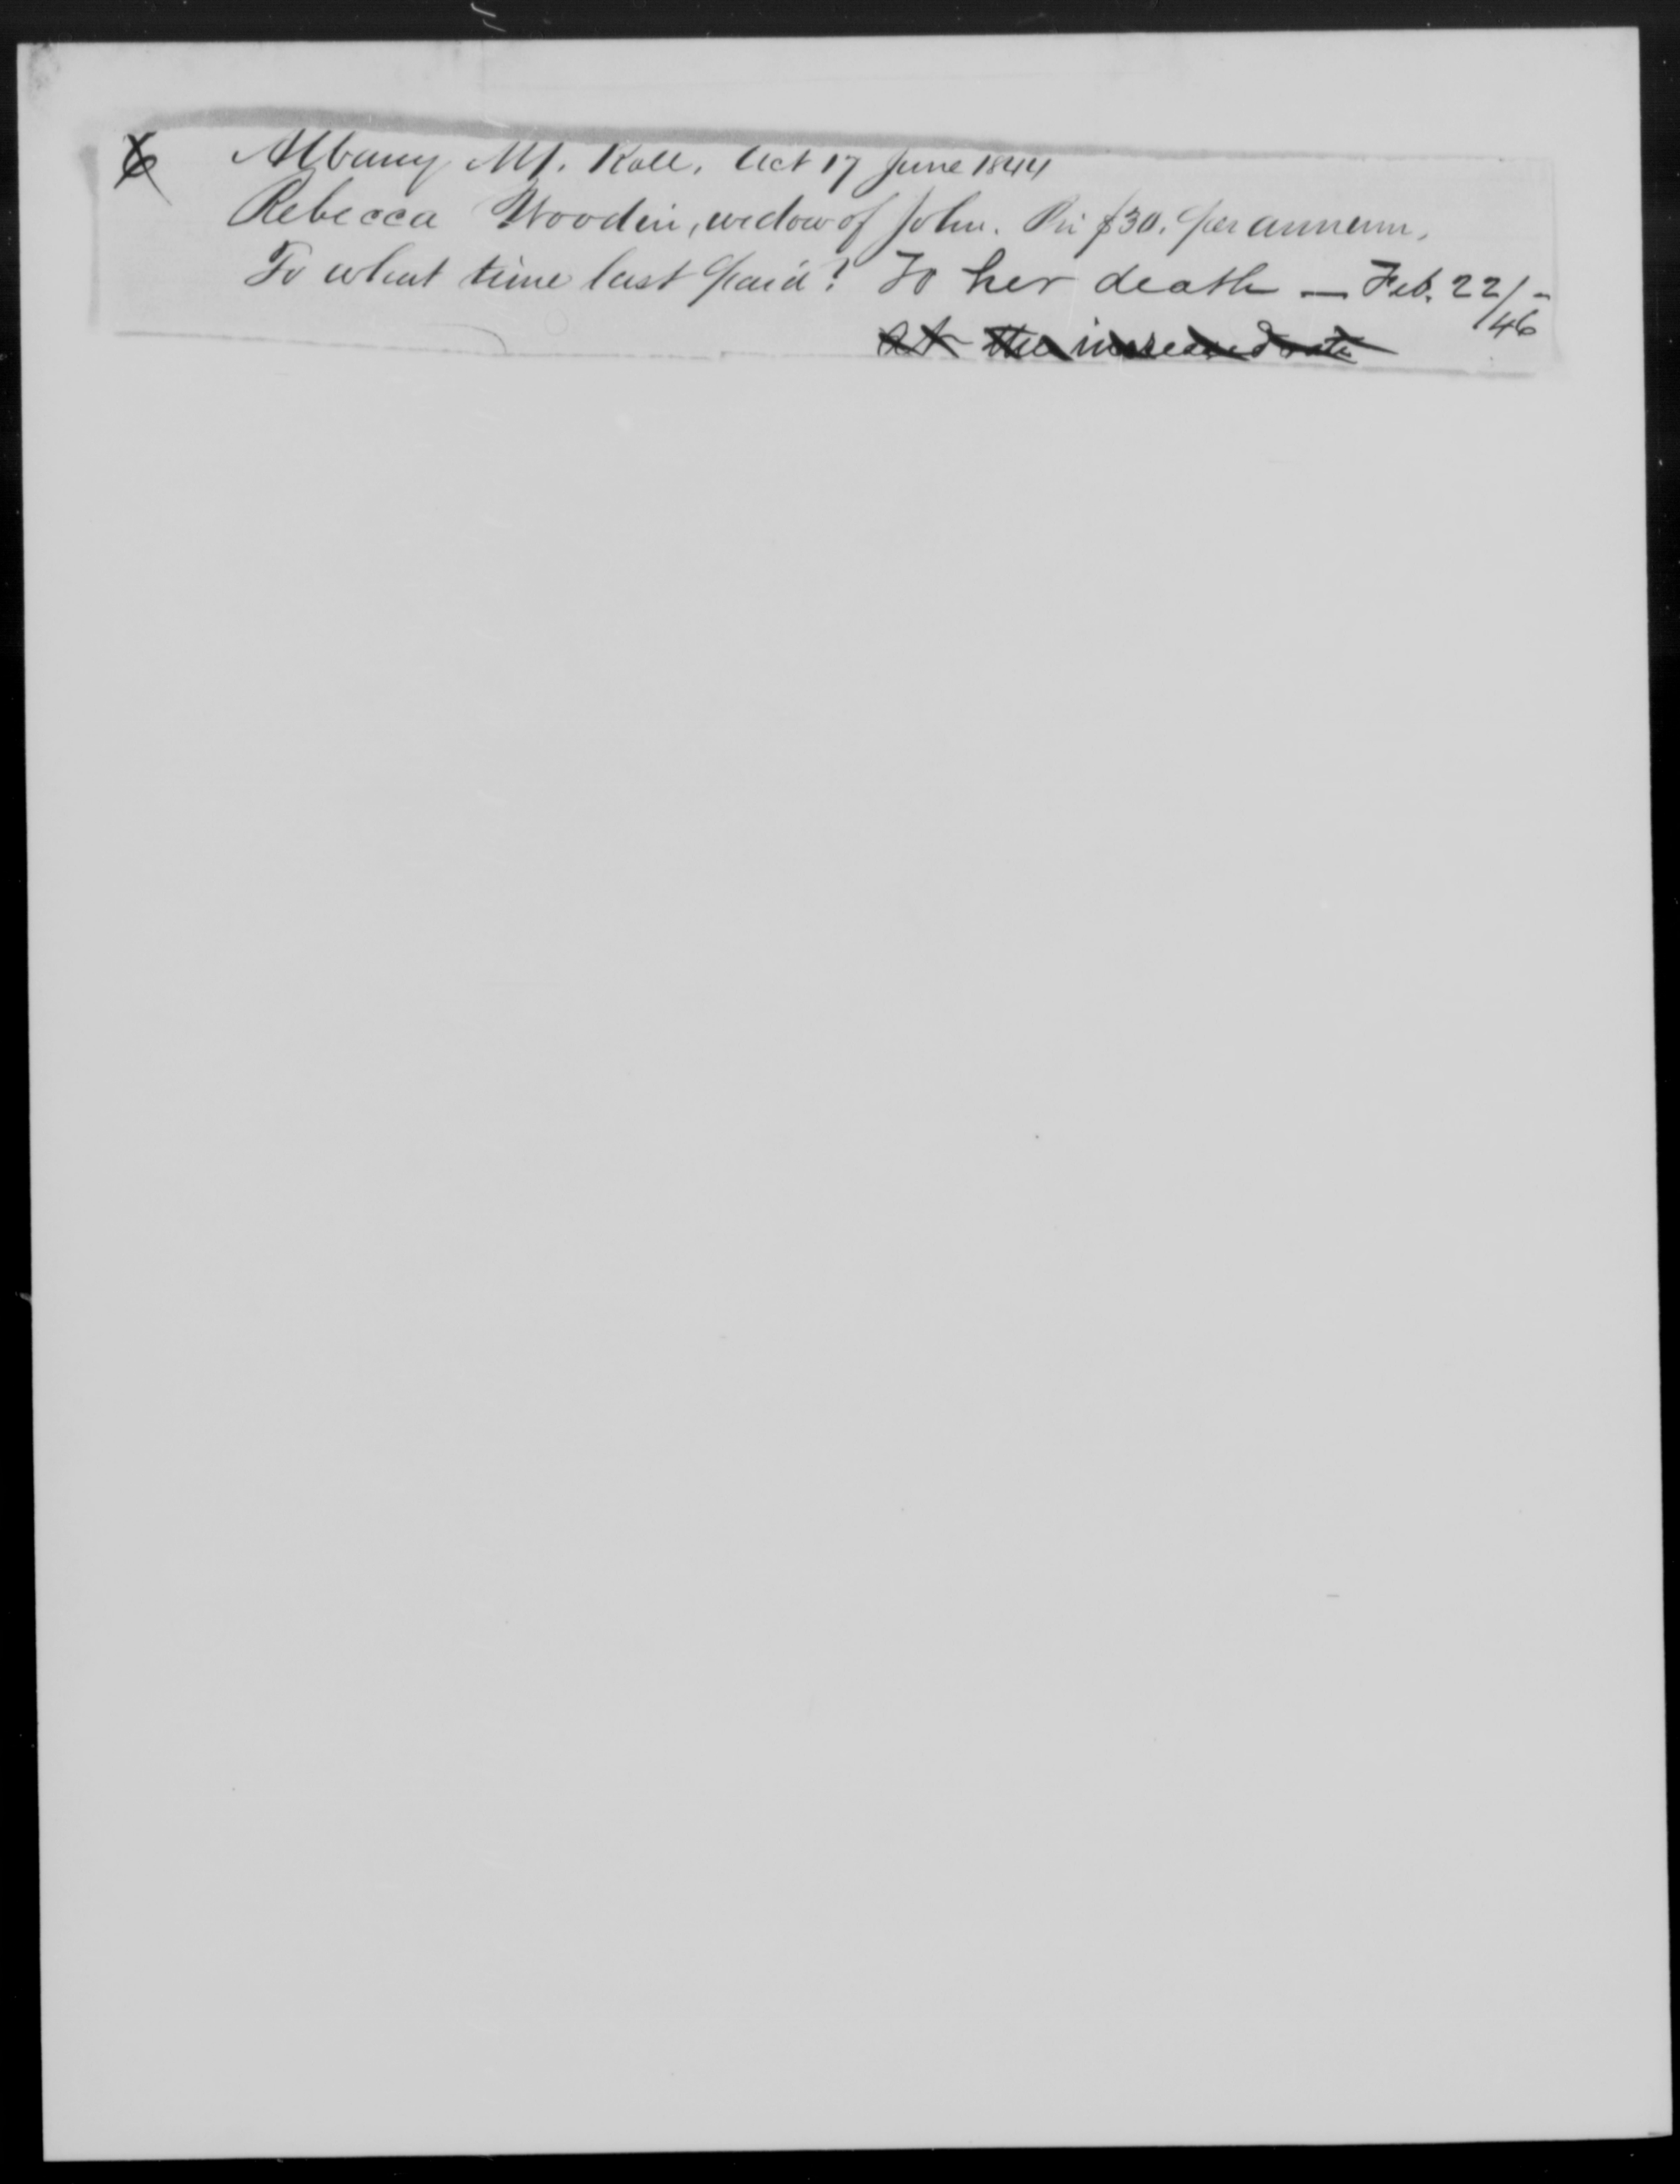Albany NY. Roll. Act 17 June 1844 
Rebecca Woodin, widow of John, Pri $30. per annum, To what time last paid? to her death-- Feb. 22/46
[at the {illegible} rate, crossed out]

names: Rebecca Woodin, John Woodin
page: 47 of 77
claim: widow's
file: W. 19658, John Woodin, New York